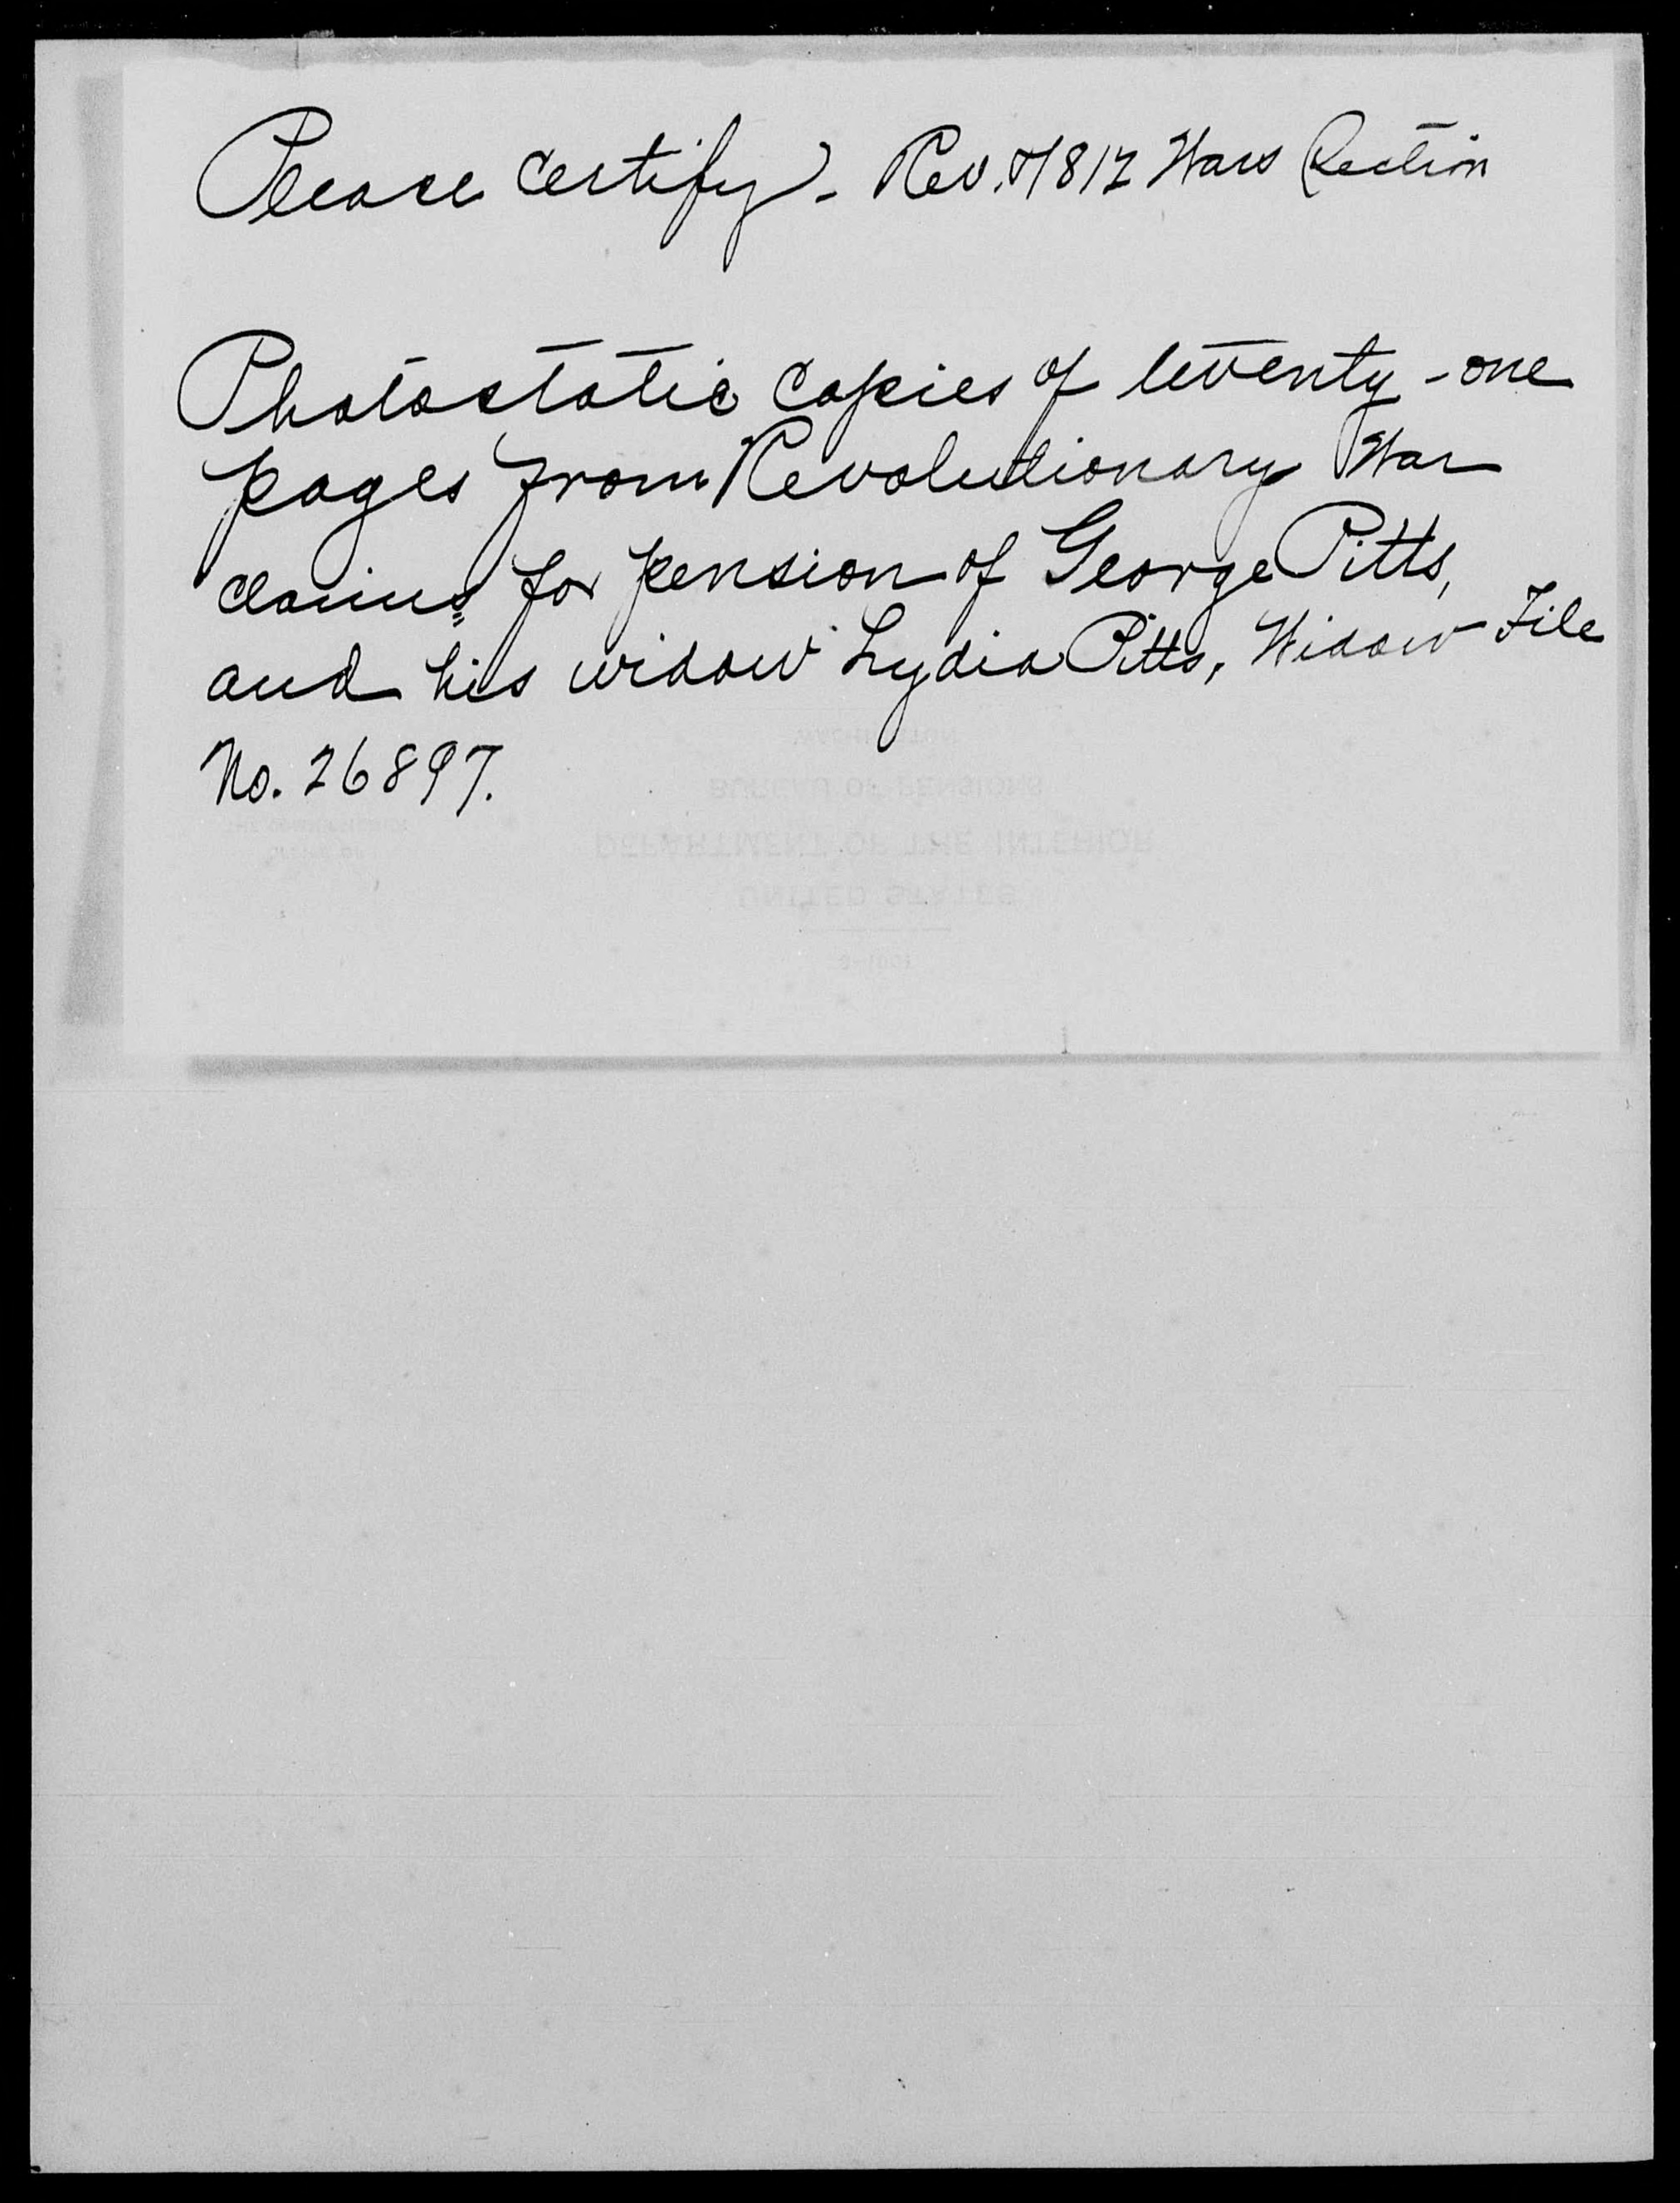Please certify, Rev & 1812 Wars Section
Photostatic copies of twenty-one
pages from Revolutionary War
claims for pension of George Pitts,
and his widow Lydia Pitts, Widow File
No. 26897.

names: George Pitts; Lydia Pitts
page: 26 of 54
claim: widow's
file: W. 26,897, for George Pitts, Massachusetts